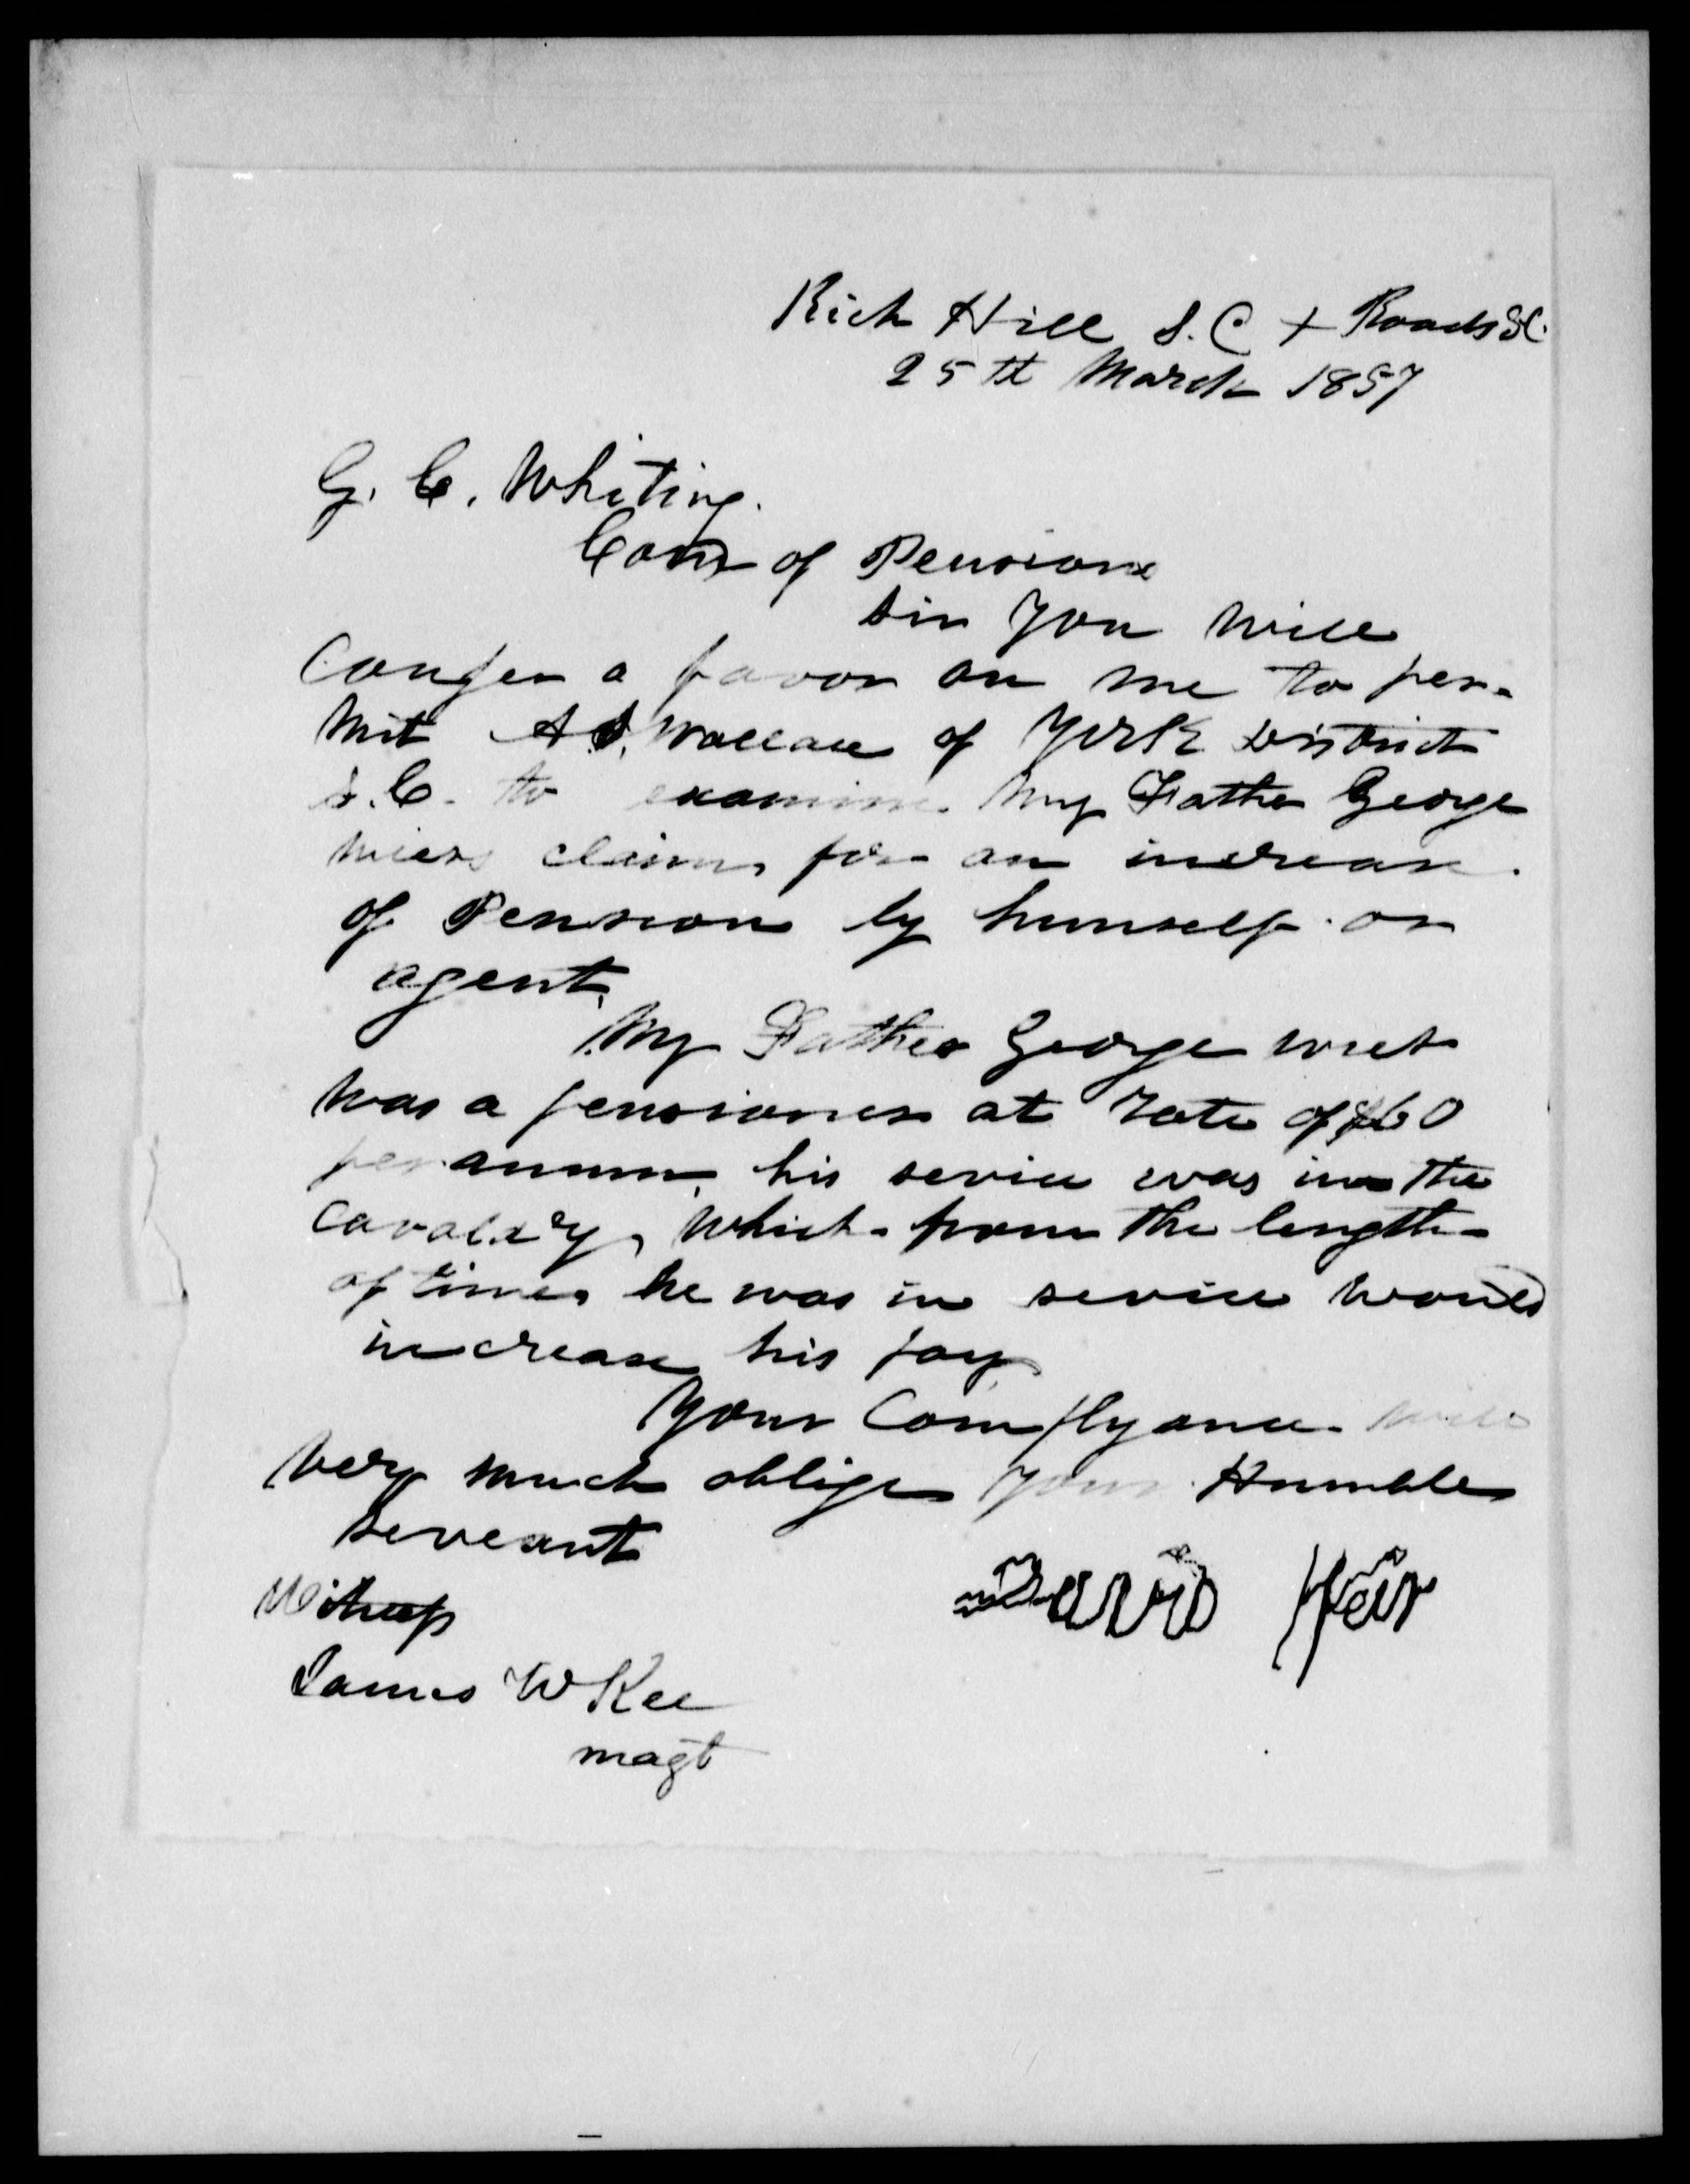Rich Hill S.C. & Roads S.C.
25th March 1857

G. C. Whiting
Com of Pension

Sir you will confer a favor on me to permit A.S. Wallace of York District S.C. to examine my Father George Wier's claim for an increase of Pension by himself or agent

My Father George Wier was a pensioner at rate of $60 per annum his service he was in the cavalry which from the length of times he was in service would increase his pay

Your complyance will very much oblige your Humble Sevant
[signed] David Wier

Witness
James W Kee
magt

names: David Weir, A S Wallace, James W Kee, G C Whiting, George Wier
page: 3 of 22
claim: survivor's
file: S. 9528, George Weir, S.C.